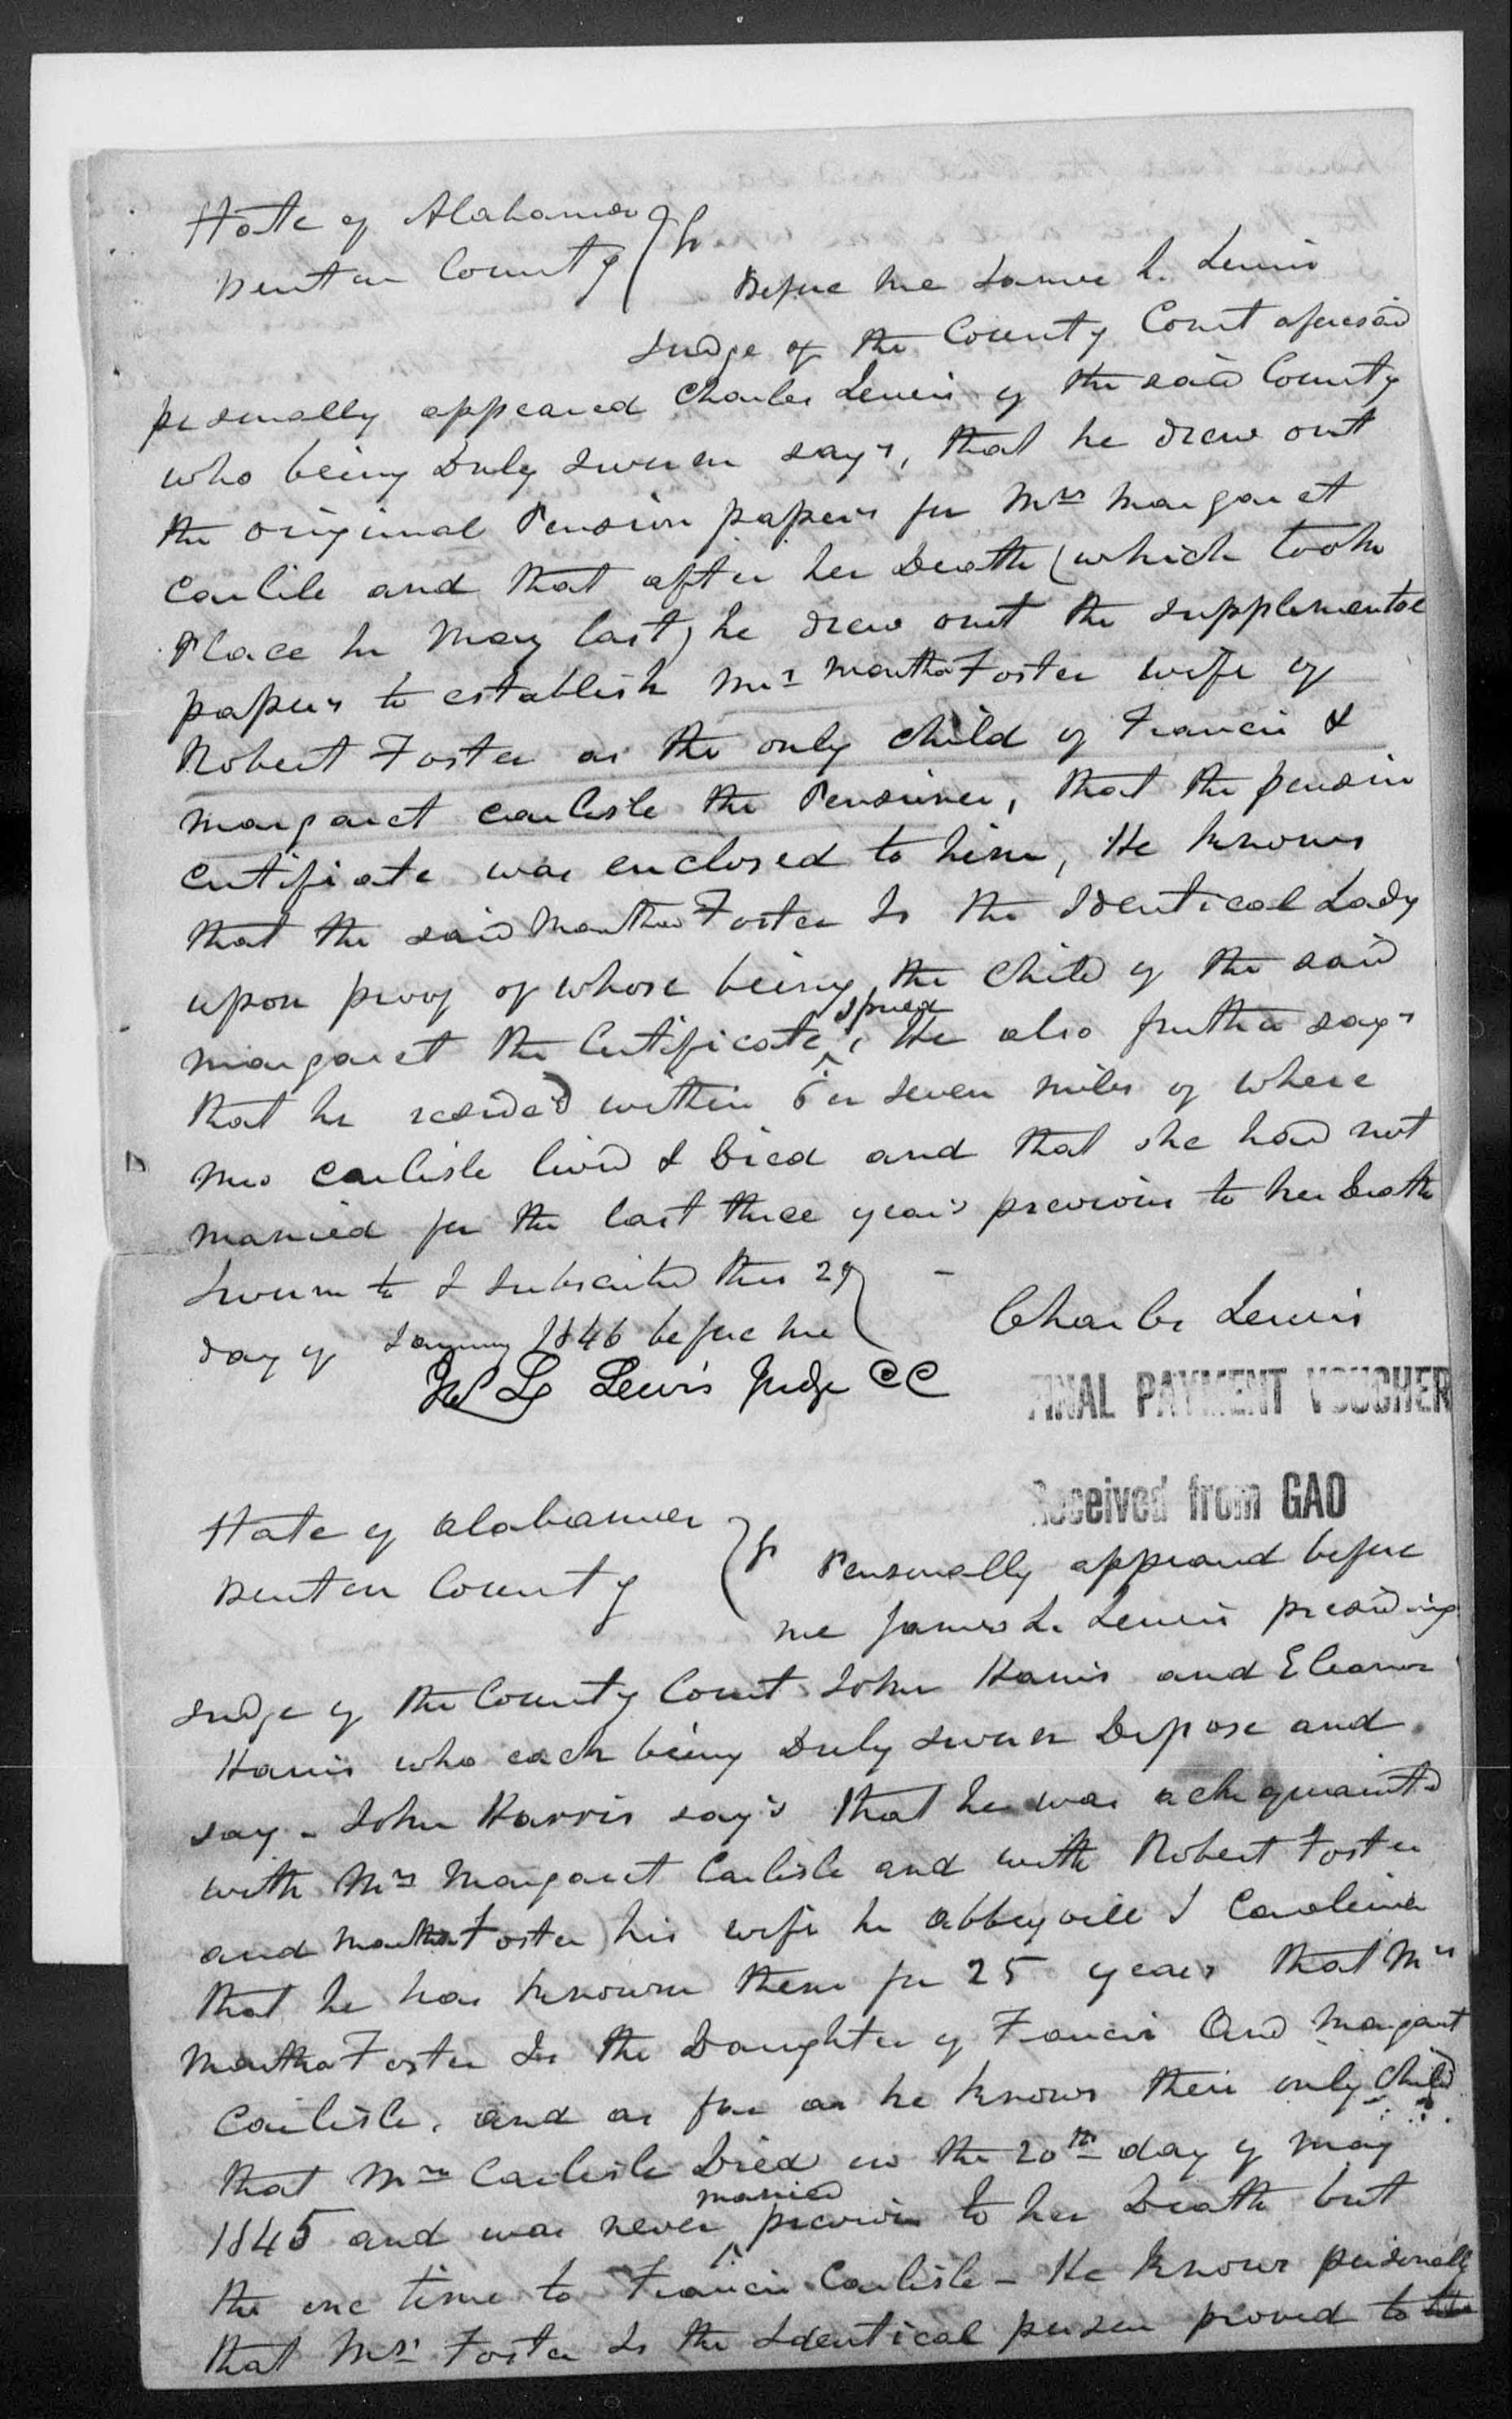State of Alabama 
Benton County
Before me  James L. Lewis Judge of the County Court aforesaid personally appeared Charles Levin of the said County who being duly sworn says, that he drew out the original Pension papers for Mrs. Margaret Carlisle and that after her death (which took place May last), he drew out the supplemental paper to establish Mrs. Martha Foster wife of Robert Foster as the only child of Francis  & Margaret Carlisle the Pensioner, that the pension certificate was enclosed to him, He knows that the said Martha Foster is the Identical Lady upon proof of whose being the child of the said Margaret the certificate [illegible] She also further says that he resided within or seven miles of where Mrs. Carlisle lived & died and that she had not married for the last three years previous to her death
[signed] Charles Lewis
Sworn to & subscribed this 29 day of January 1846 before me
J. L Lewis Judge CC

State of Alabama
Benton County
Personally appeared before me James L. Lewis presiding Judge of the County Court, John Harris and Eleanor Harris who each being duly sworn depose and say  John Harris says that he was acquainted with Mr Margaret Carlisle and with Robert Foster and Martha Foster his wife in Abbeyville S. Carolina 
that he has known them for 25 years that Mrs. Martha Foster In the Daughter of Francis and Margaret
Carlisle and as far as he knows their only child that Mrs. Carlisle died on the 20th day of May 1845 and was never married previous to her death but the one time to Francis Carlisle-- He knows personally
that Mrs. Foster & the identical person proved to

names: Margaret Carlisle, Jas L Lewis, Foster, Margaret Carlile, Francis Carlisle, Francis Carlisle, Carlisle, John Harris, Robert Foster, Francis Carlisle, Martha Foster, John Harris, James L Lewis, Charles Lewis, Robert Foster, James L Lewis, Margaret Carlisle, Eleanor Harris, Martha Foster, Martha Foster, Margaret Carlisle, Carlisle, Charles Lewis, Margaret, Martha Foster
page: 15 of 91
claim: widow's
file: W. 10576, Francis Carlisle, S.C.